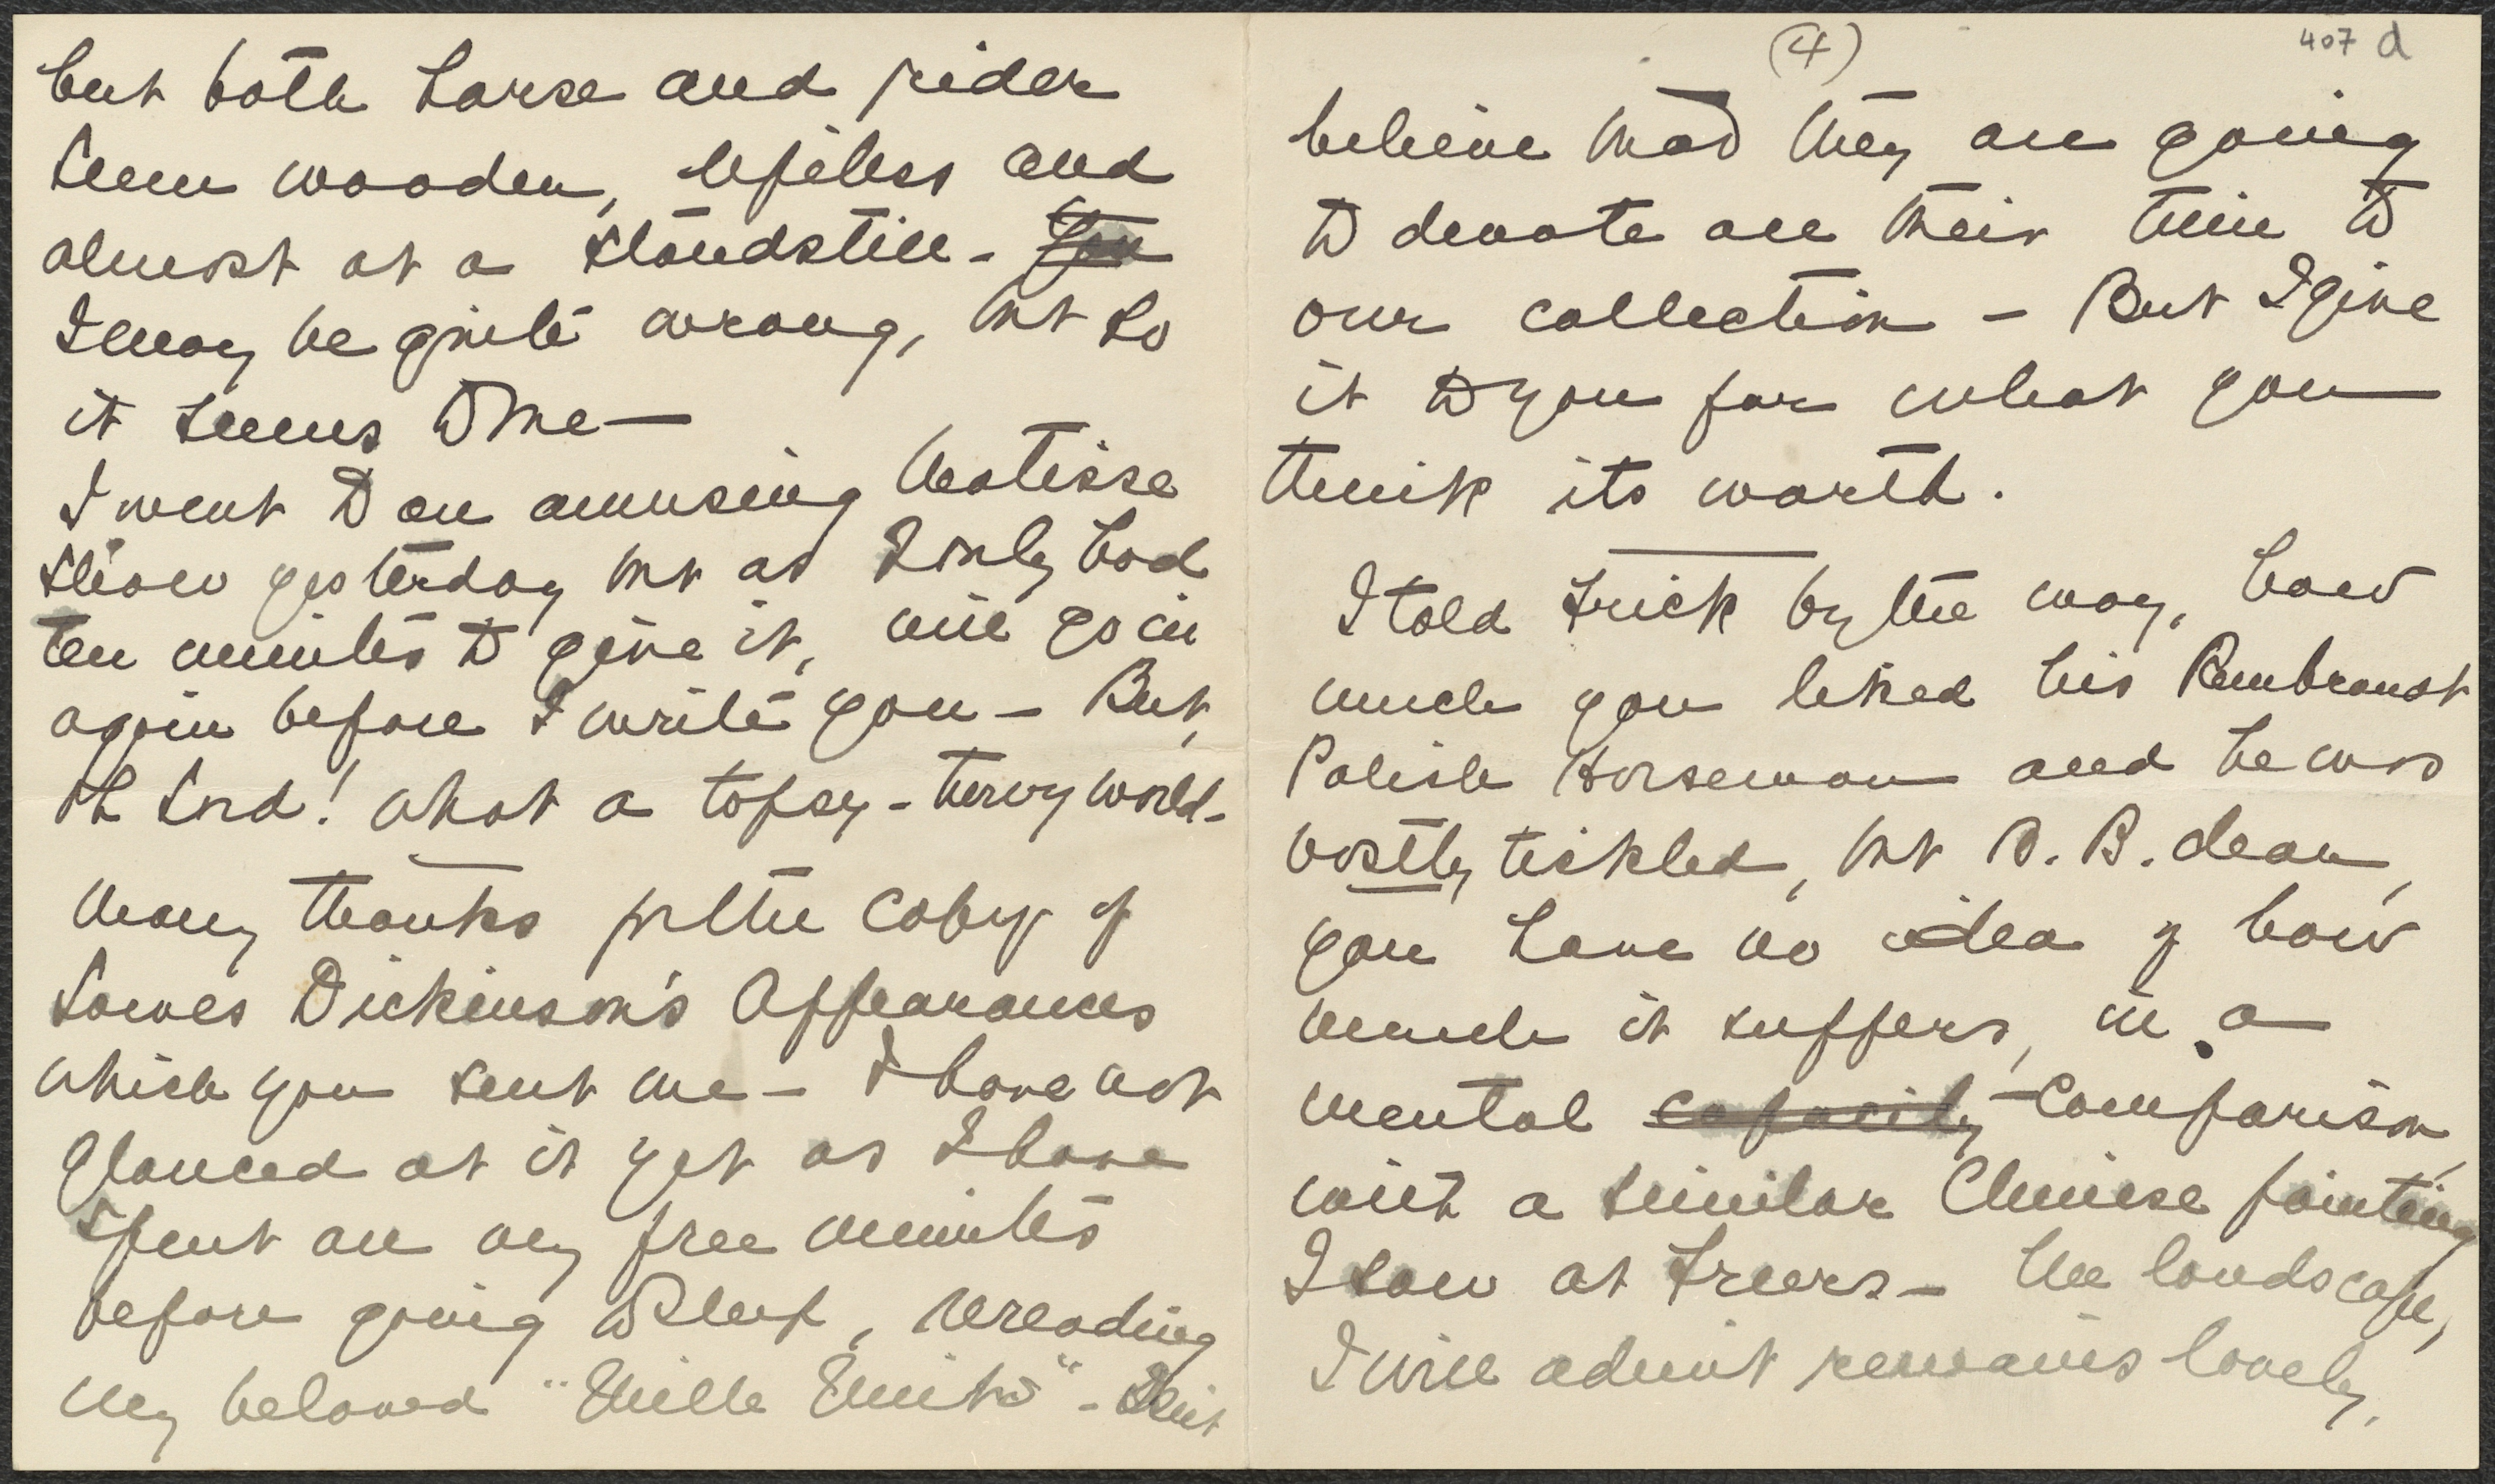believe that they are going to devote all their time to our collection – But I give it to you for what you think its [sic] worth.
I told Frick by the way, how much you liked his Rembrandt Polish Horseman and he was vastly tickled, but B.B. dear, you have no idea of how much it suffers, in a mental capacity comparison, with a similar Chinese painting I saw at Freers – the landscape, I will admit remains lovely.
but both horse and rider seem wooden, lifeless and almost at a standstill – You I may be quite wrong, but so it seems to me –
I went to an amusing Matisse show yesterday but as I only had ten minutes to give it, will go in again before I write – But, oh Lord! what a topsy-turvy world –
Many thanks for the copy of Lowes Dickinson’s Appearances which you sent me – I have not glanced at it yet as I have spent all my free minutes before going to sleep, rereading my beloved “Mille Nuits” – isn’t